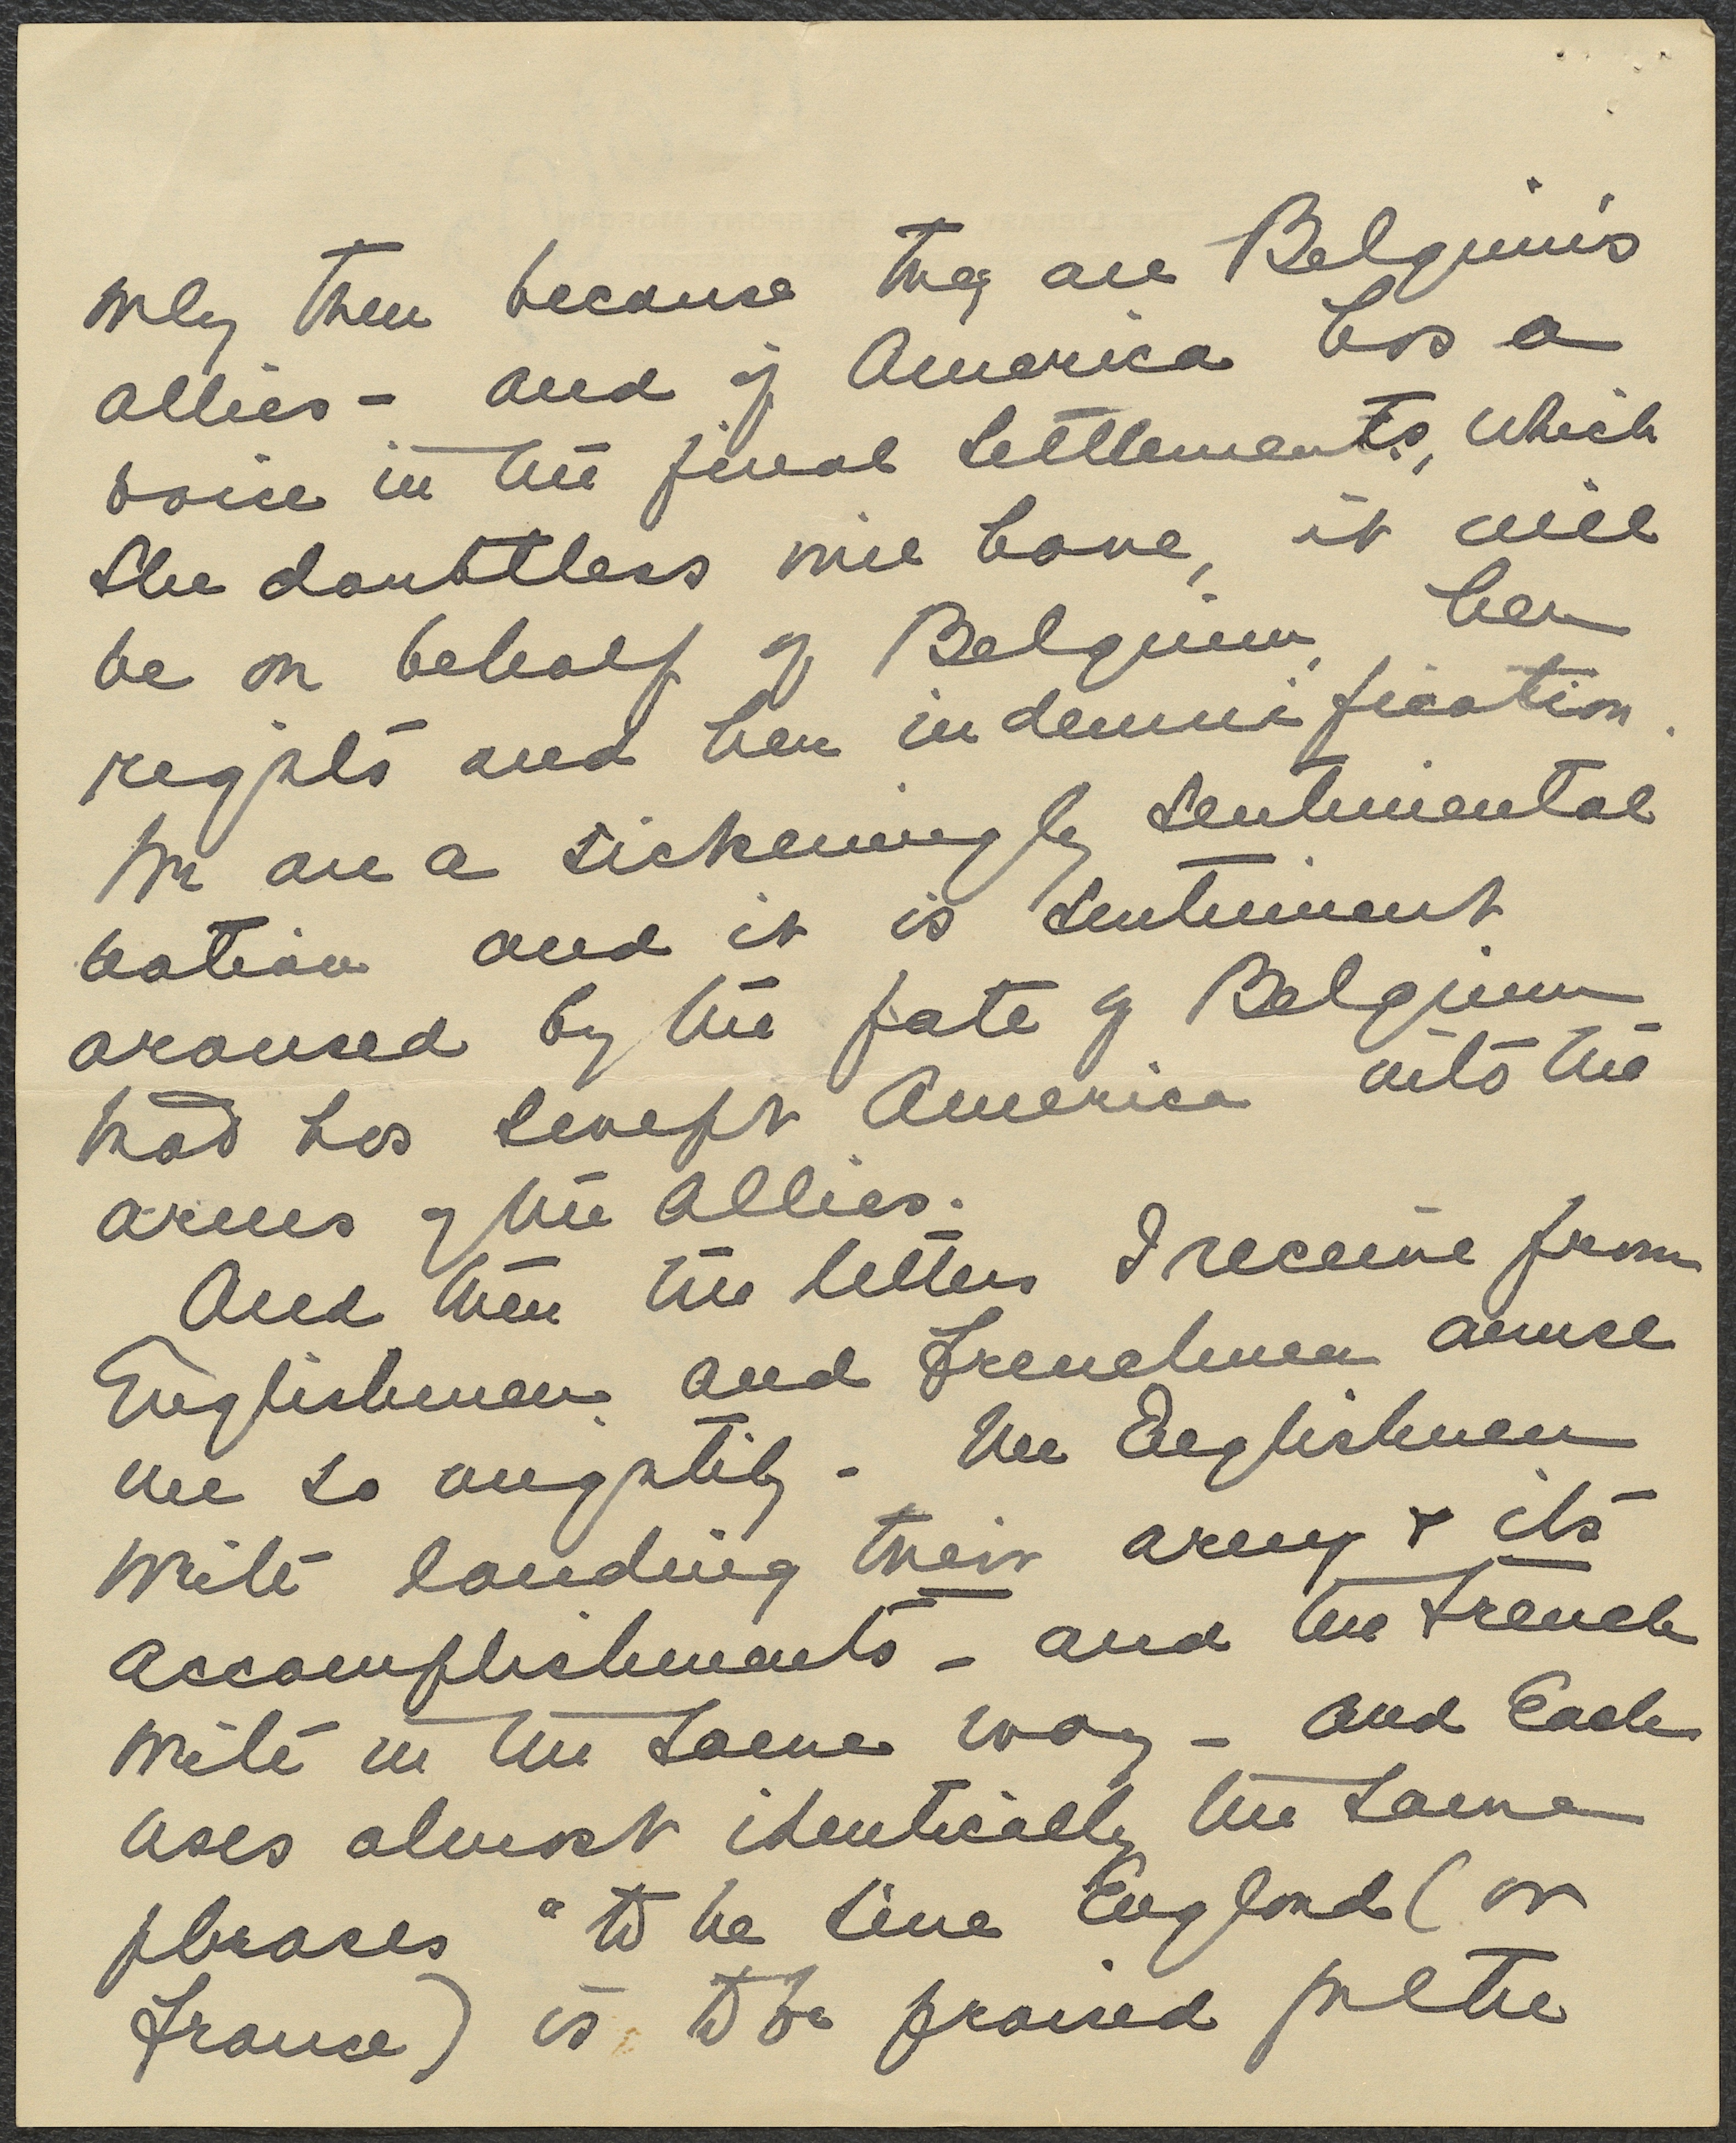only then because they are Belgium’s allies – and if America has a voice in the final settlements, which she doubtless will have, it will be on behalf of Belgium, her rights and her indemnification. We are a sickeningly sentimental nation and it is sentiment aroused by the fate of Belgium that has swept America into the arms of the allies.
And then the letters I receive from Englishmen and Frenchmen amuse me so mightily – The Englishmen write lauding their army & its accomplishments – and the French write in the same way – and each uses almost identically the same phrases “to be sure England (or France) is to be praised for the